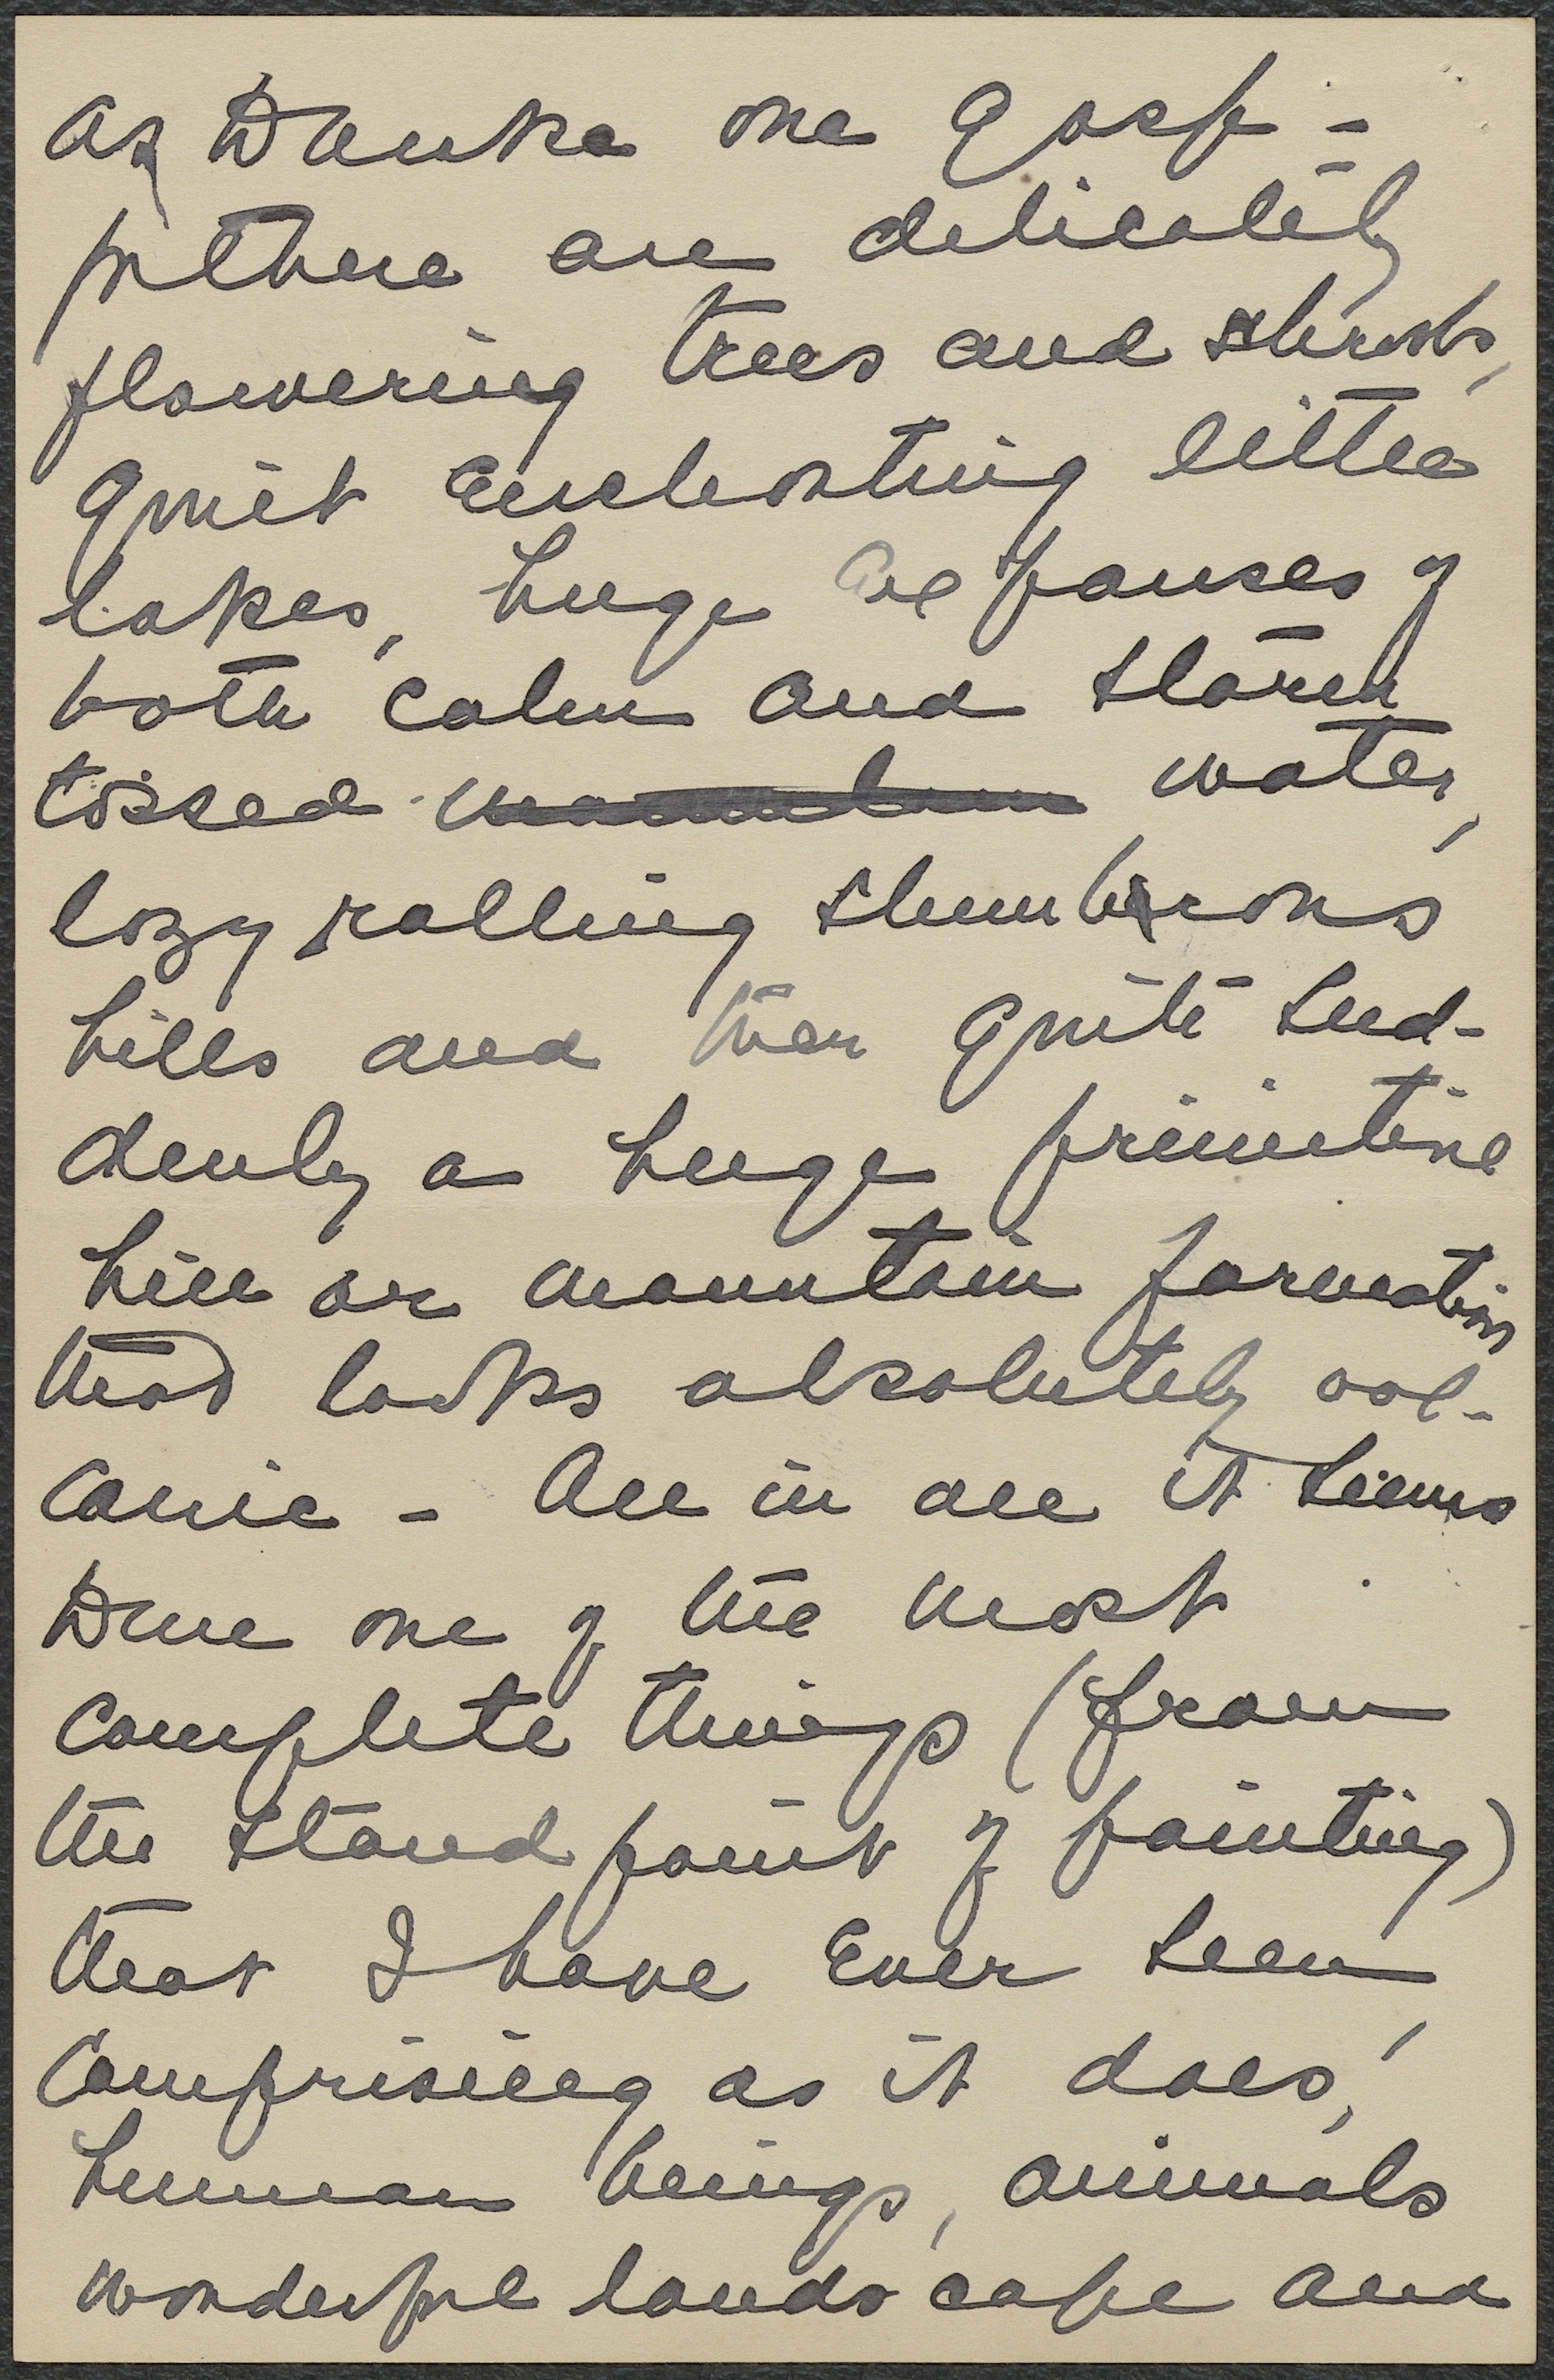as to make one gasp – for there are delicately flowering trees and shrubs, quiet enchanting little lakes, huge expanses of both calm and storm tossed mountain water, lazy rolling slumberous hills and then quite suddenly a huge primitive hill or mountain formation that looks absolutely volcanic – All in all it seems to me one of the most complete things (from the stand point of painting) that I have ever seen, comprising as it does, human beings, animals wonderful landscape and